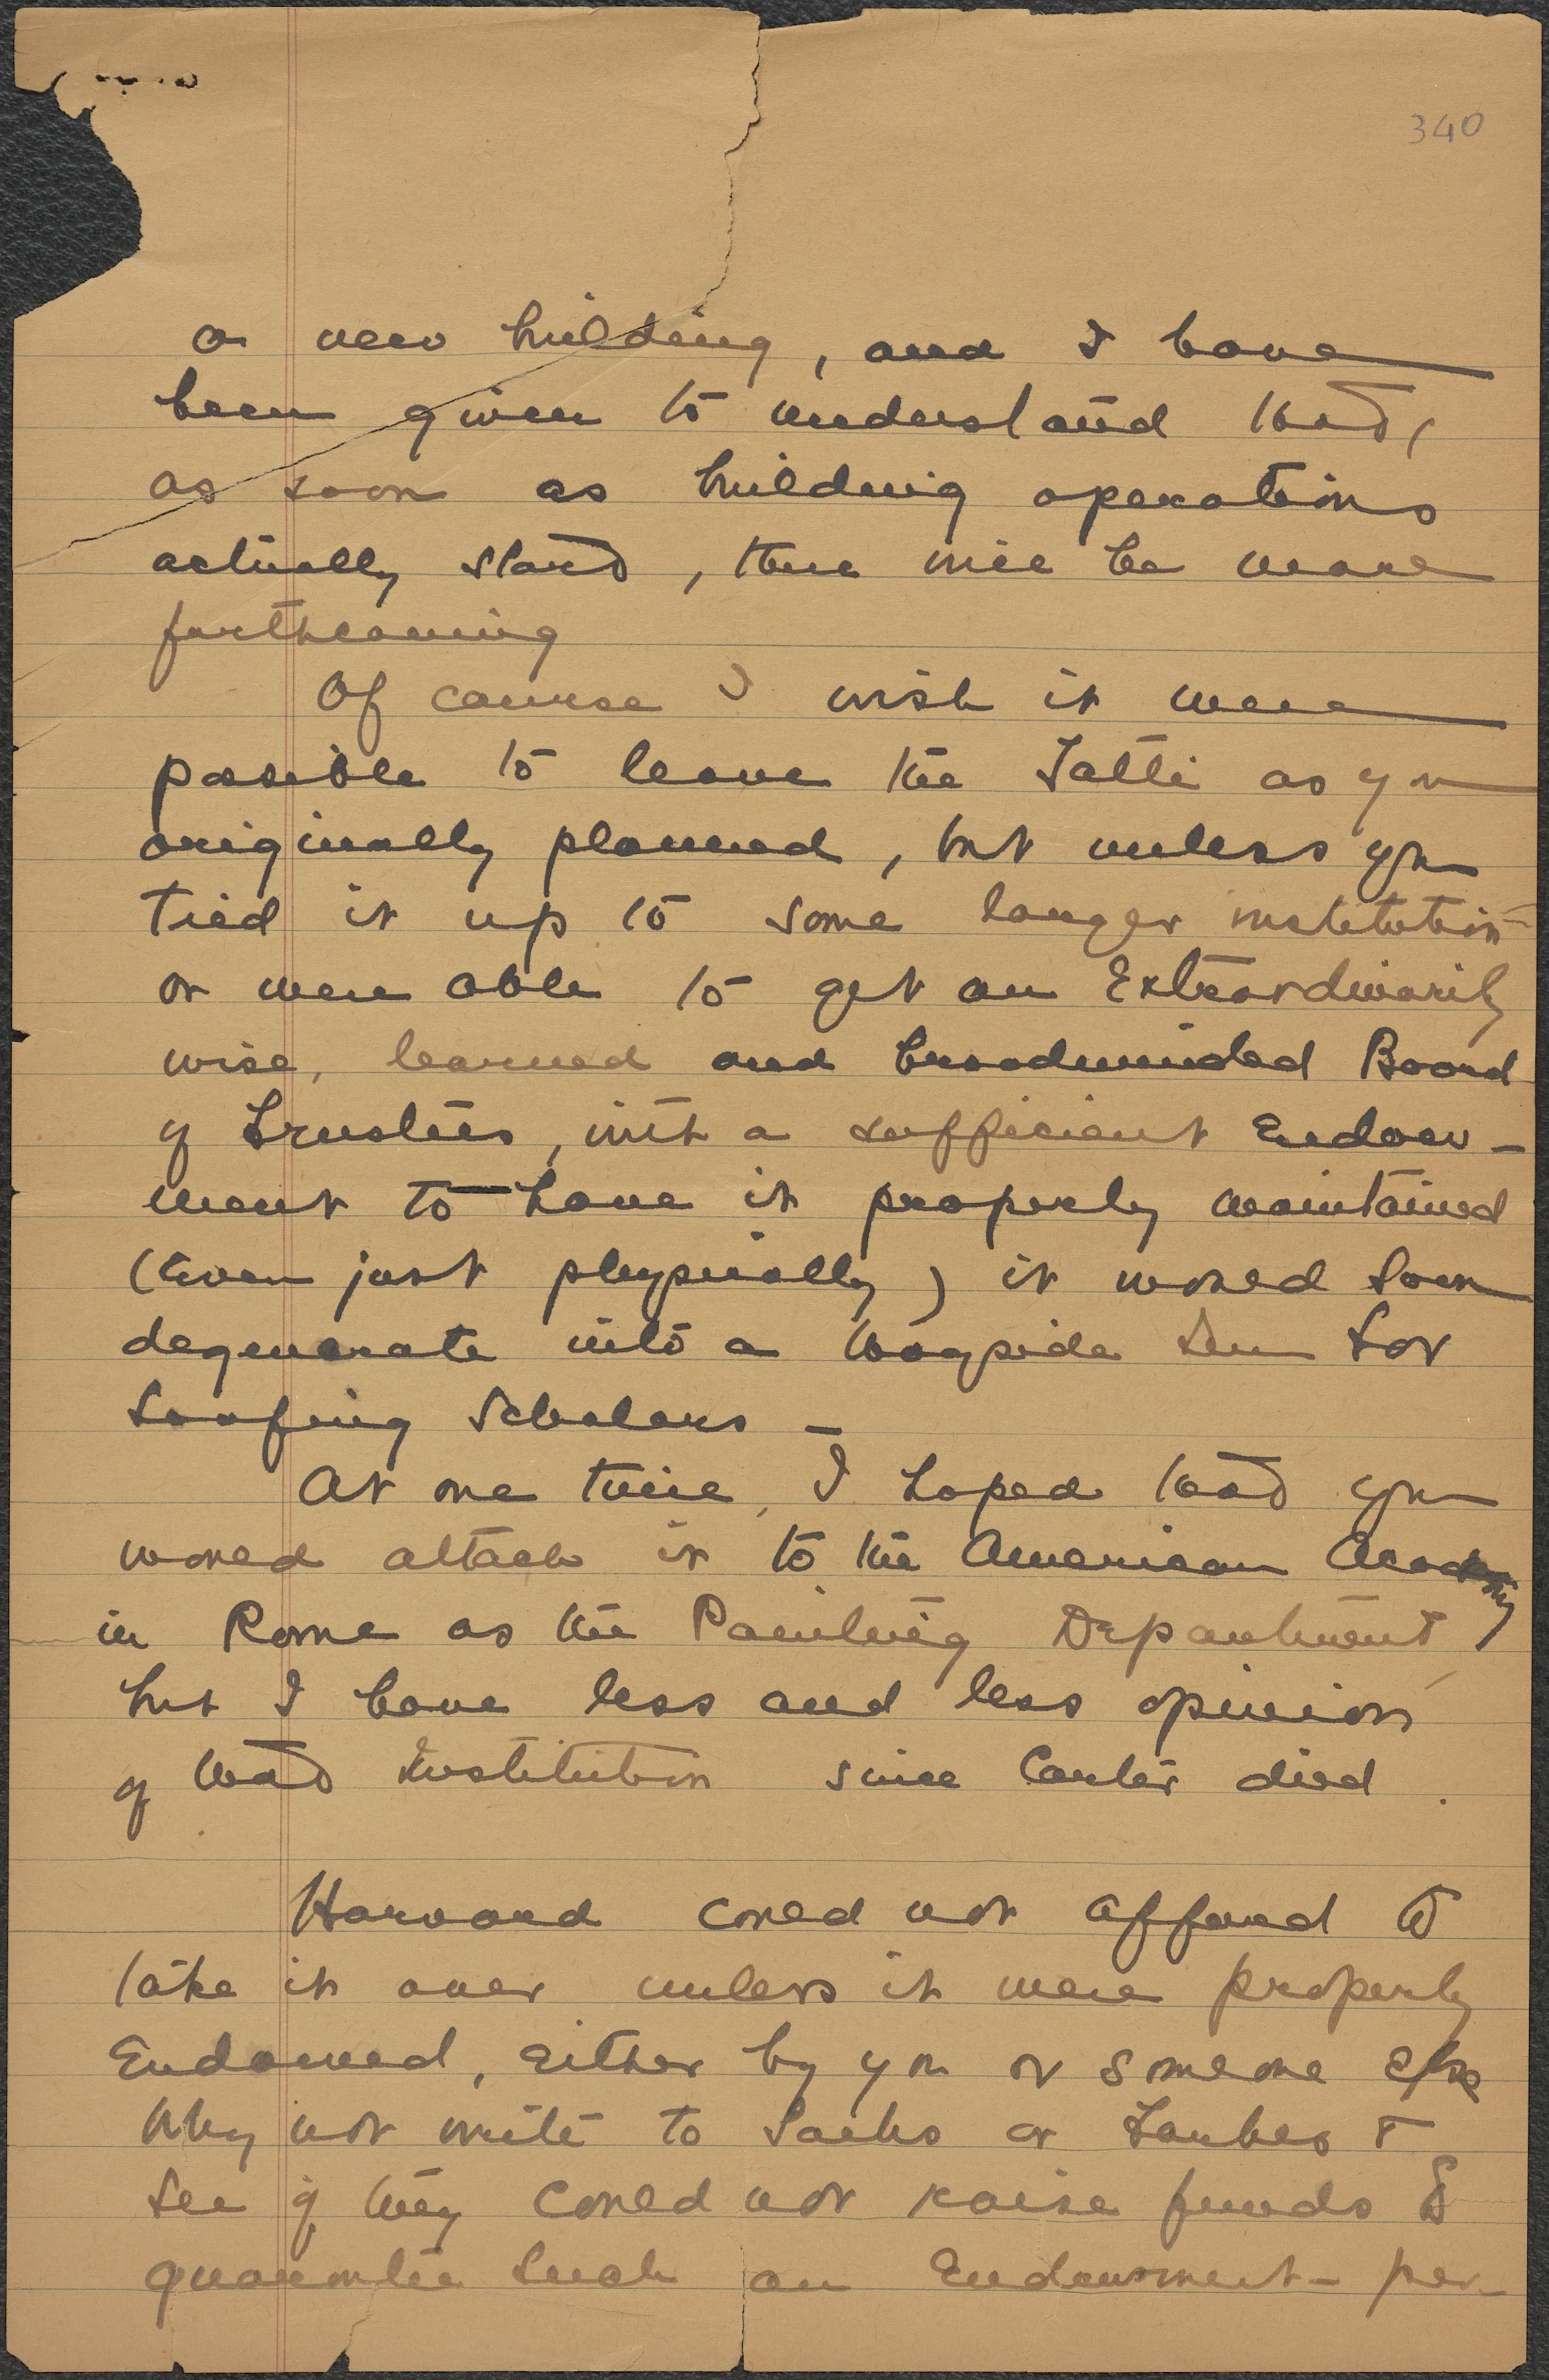a new building, and I have been given to understand that, as soon as building operations actually start, there will be more forthcoming
Of course I wish it were possible to leave the Tatti as you originally planned, but unless you tied it up to some larger institution or were able to get an Extraordinarily wise, learned and broadminded Board of Trustees, with a sufficient Endowment to have it properly maintained (even just physically) it would soon degenerate into a wayside den for loafing scholars –
At one time, I hoped that you would attach to the American Academy in Rome as the Painting Department, but I have less and less opinion of that institution since Carter died.
Harvard could not afford to take it over unless it were properly Endowed, Either by you or someone else Why not write to Sachs or Forbes to see if they could not raise funds to guarantee such an Endowment – perhaps